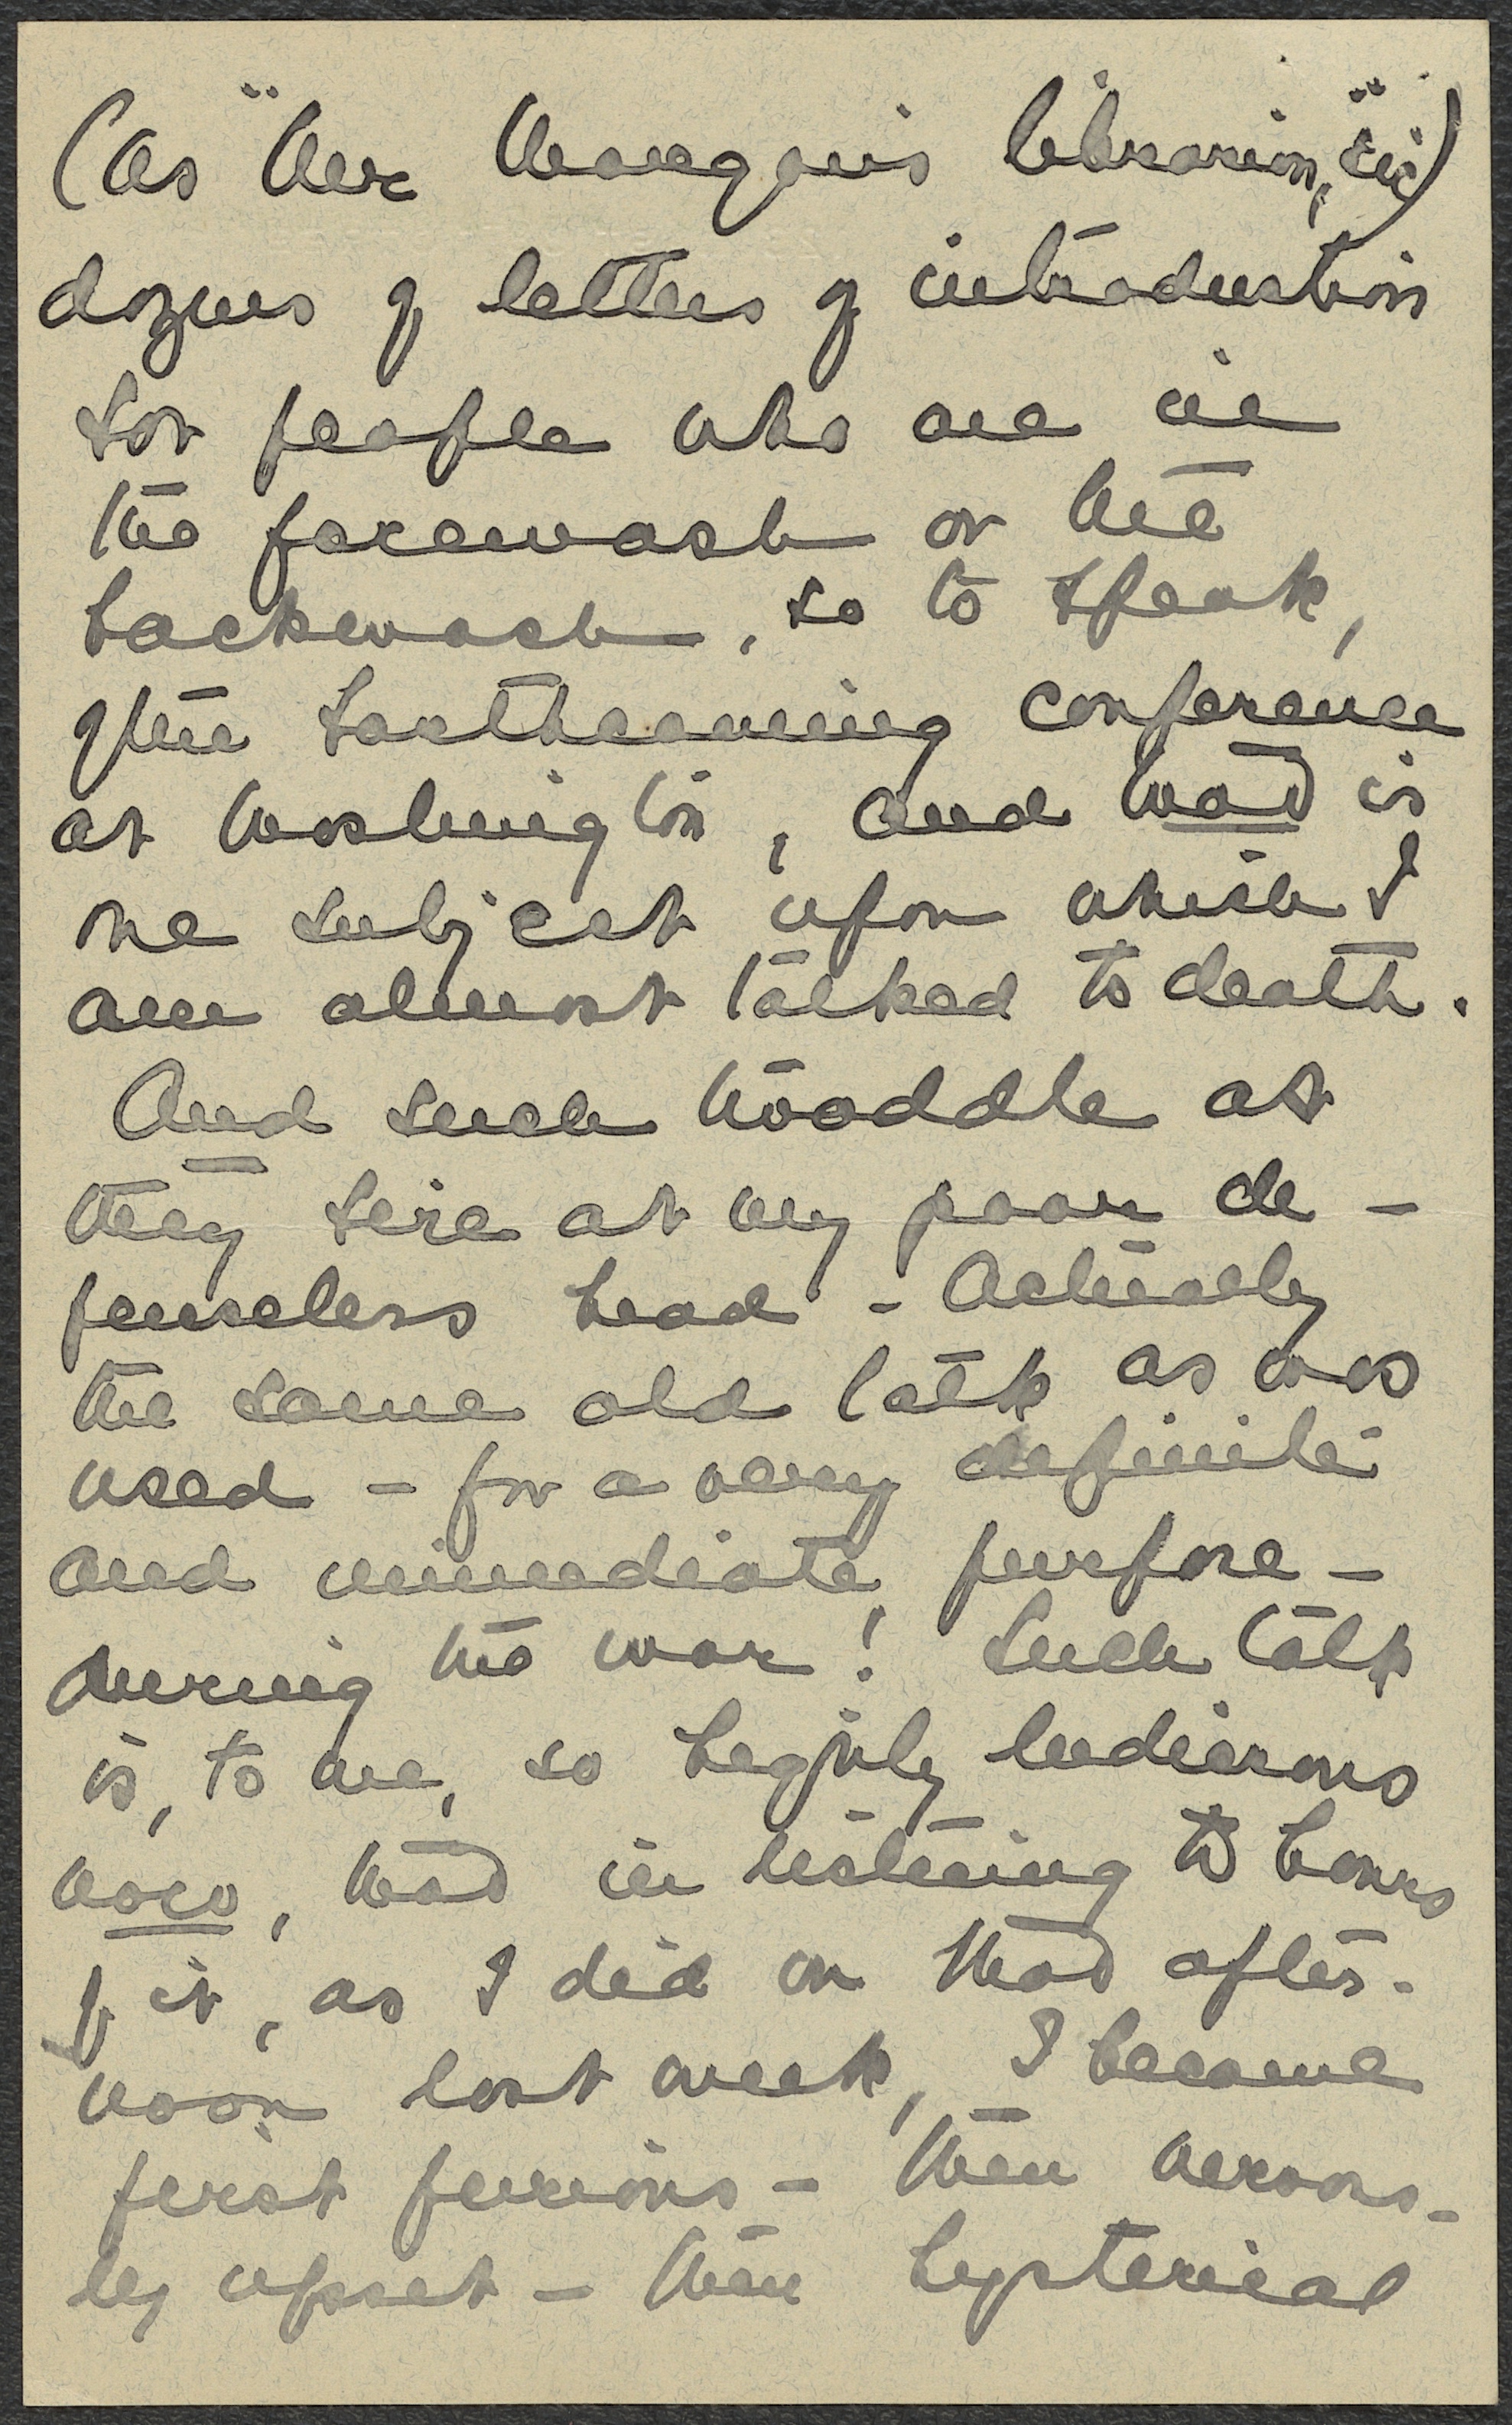(as “Mr Morgan’s librarian,” etc.) dozens of letters of introduction for people who are in the forewash or the backwash, so to speak, of the forthcoming conference at Washington, and that is one subject upon which I am almost talked to death.
And such twaddle as they fire at my poor defenseless head – Actually the same old talk as was used – for a very definite and immediate purpose – during the war! Such talk is, to me, so highly ludicrous now, that in listening to hours of it, as I did on that afternoon last week, I became first furious – then nervously upset – then hysterical